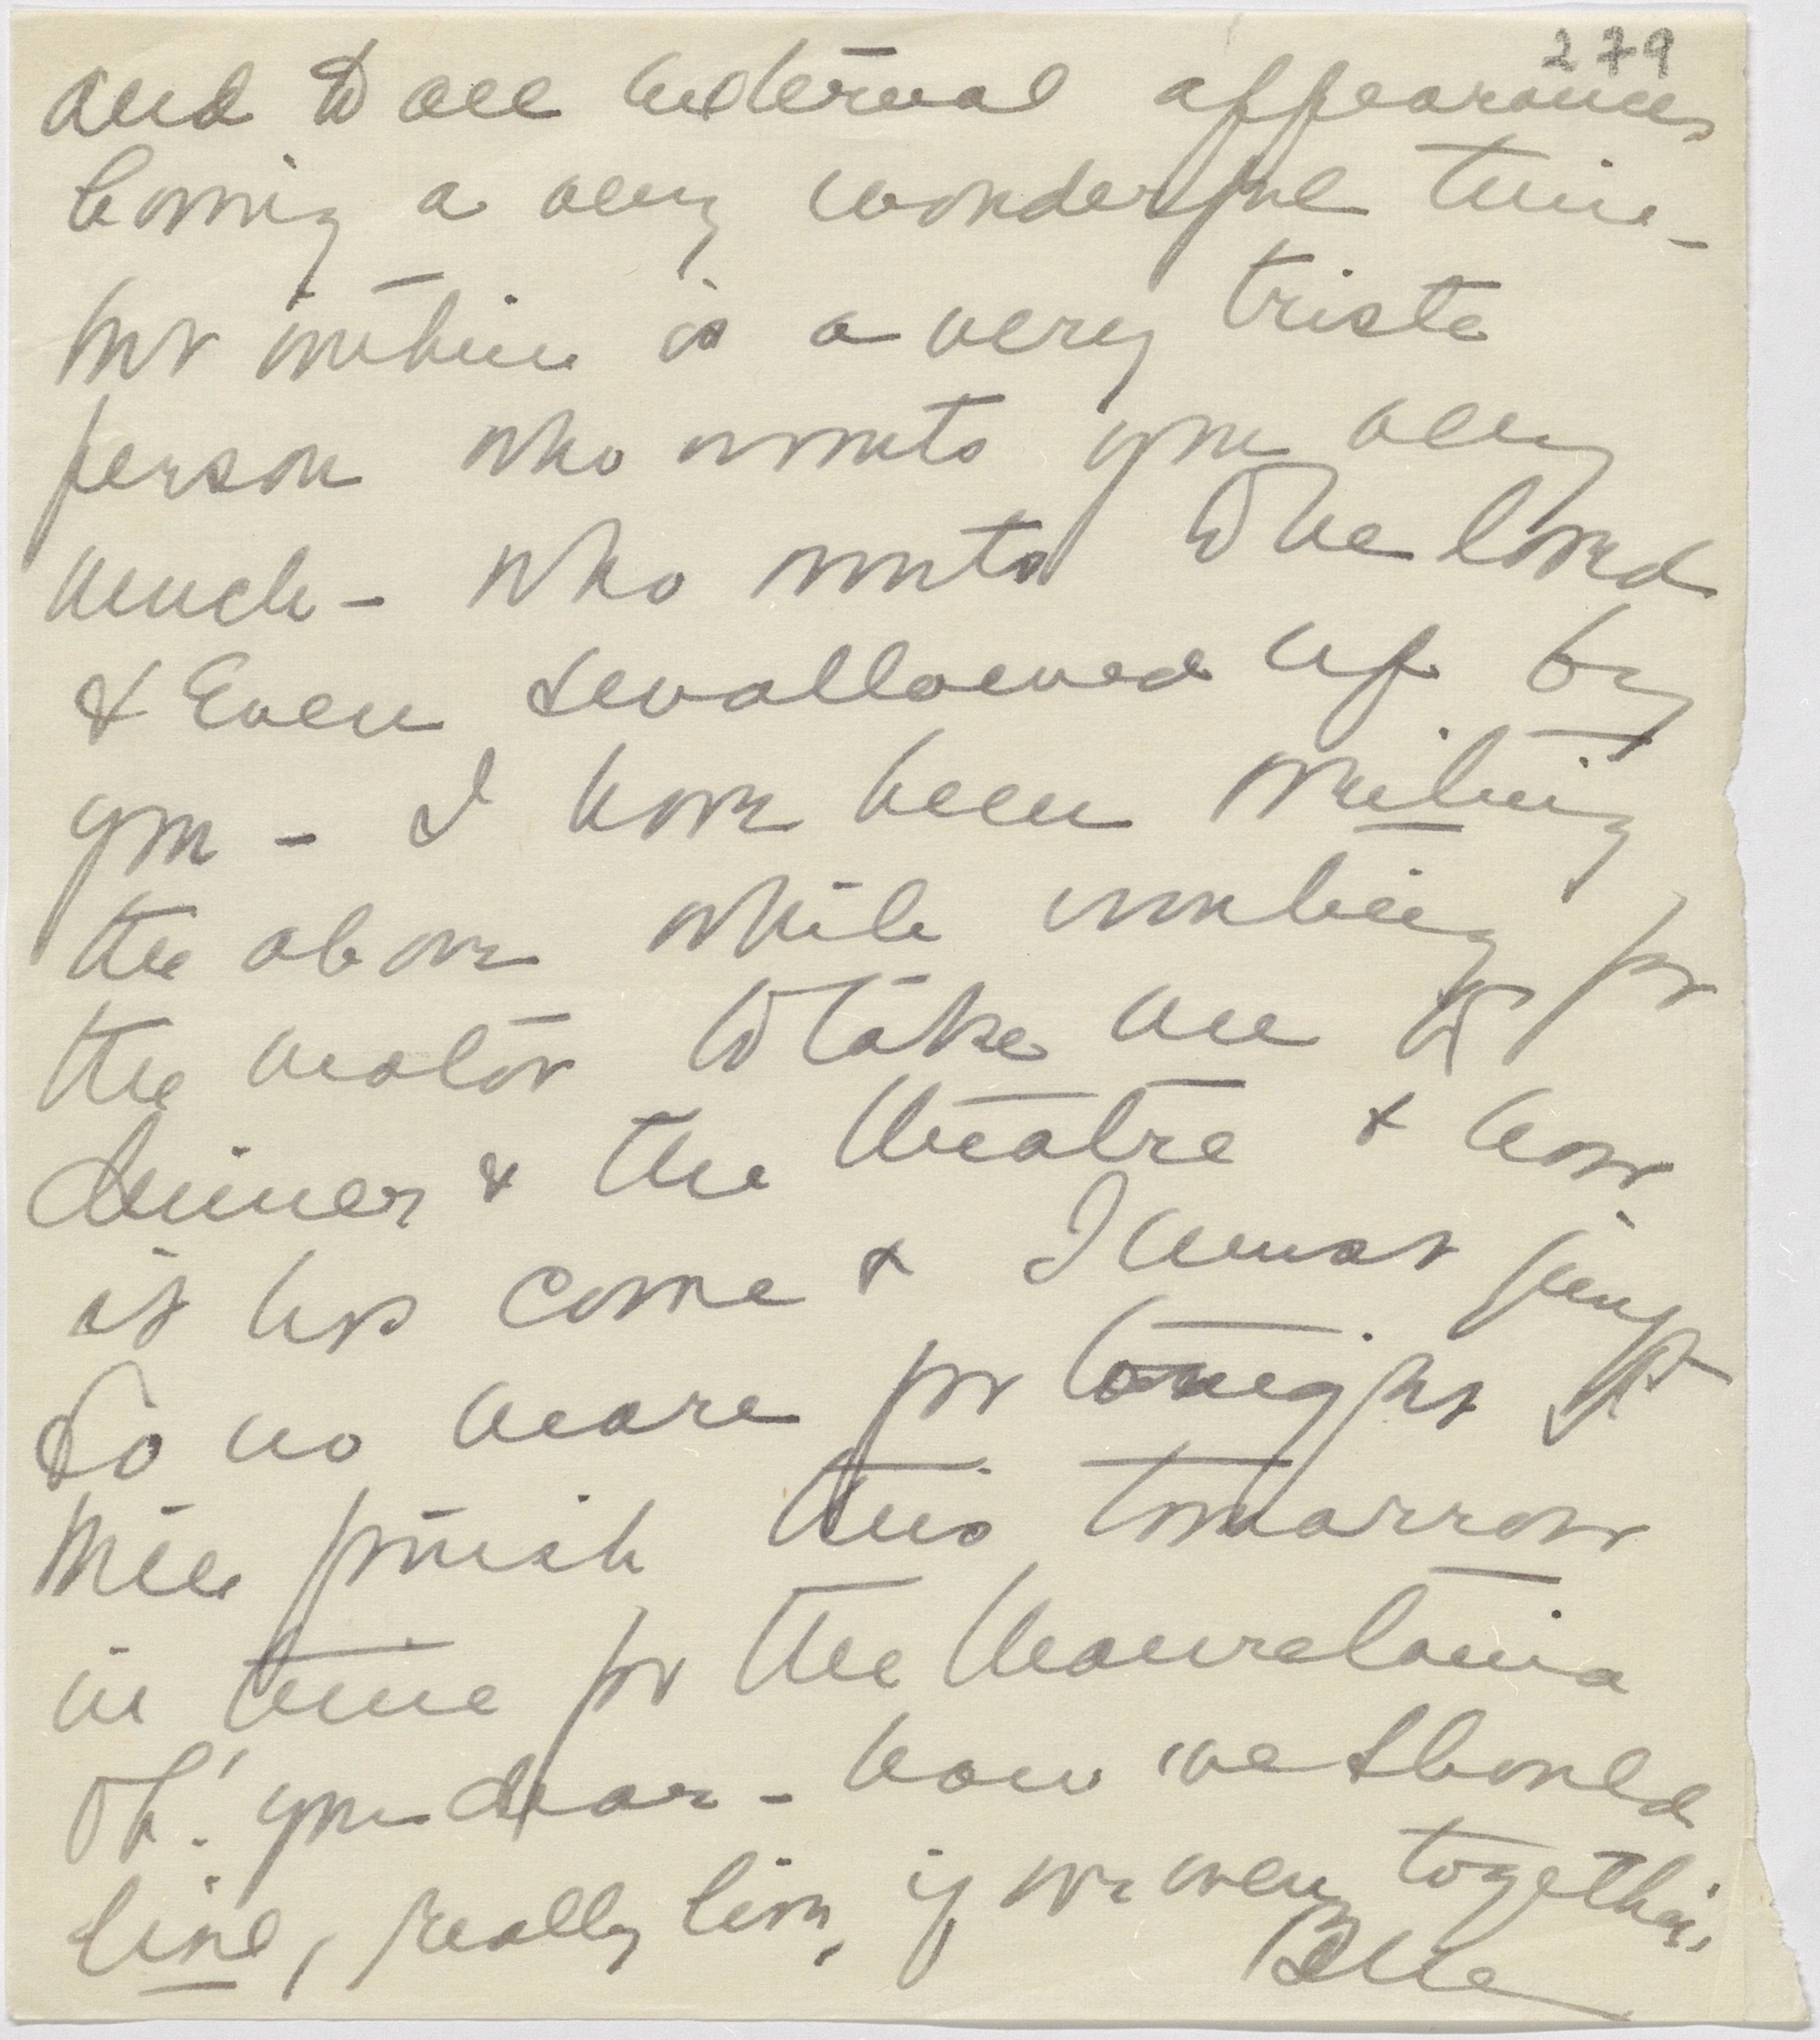and to all external appearances having a very wonderful time – but within is a very triste person who wants you very much – who wants to be loved & even swallowed up by you – I have been writing the above while waiting for the motor to take me to dinner & the theatre & now it has come & I must jump – So no more for tonight I will finish this tomorrow in time for the Mauretania
Oh! you dear – how we should live, really live, if we were together!
Belle